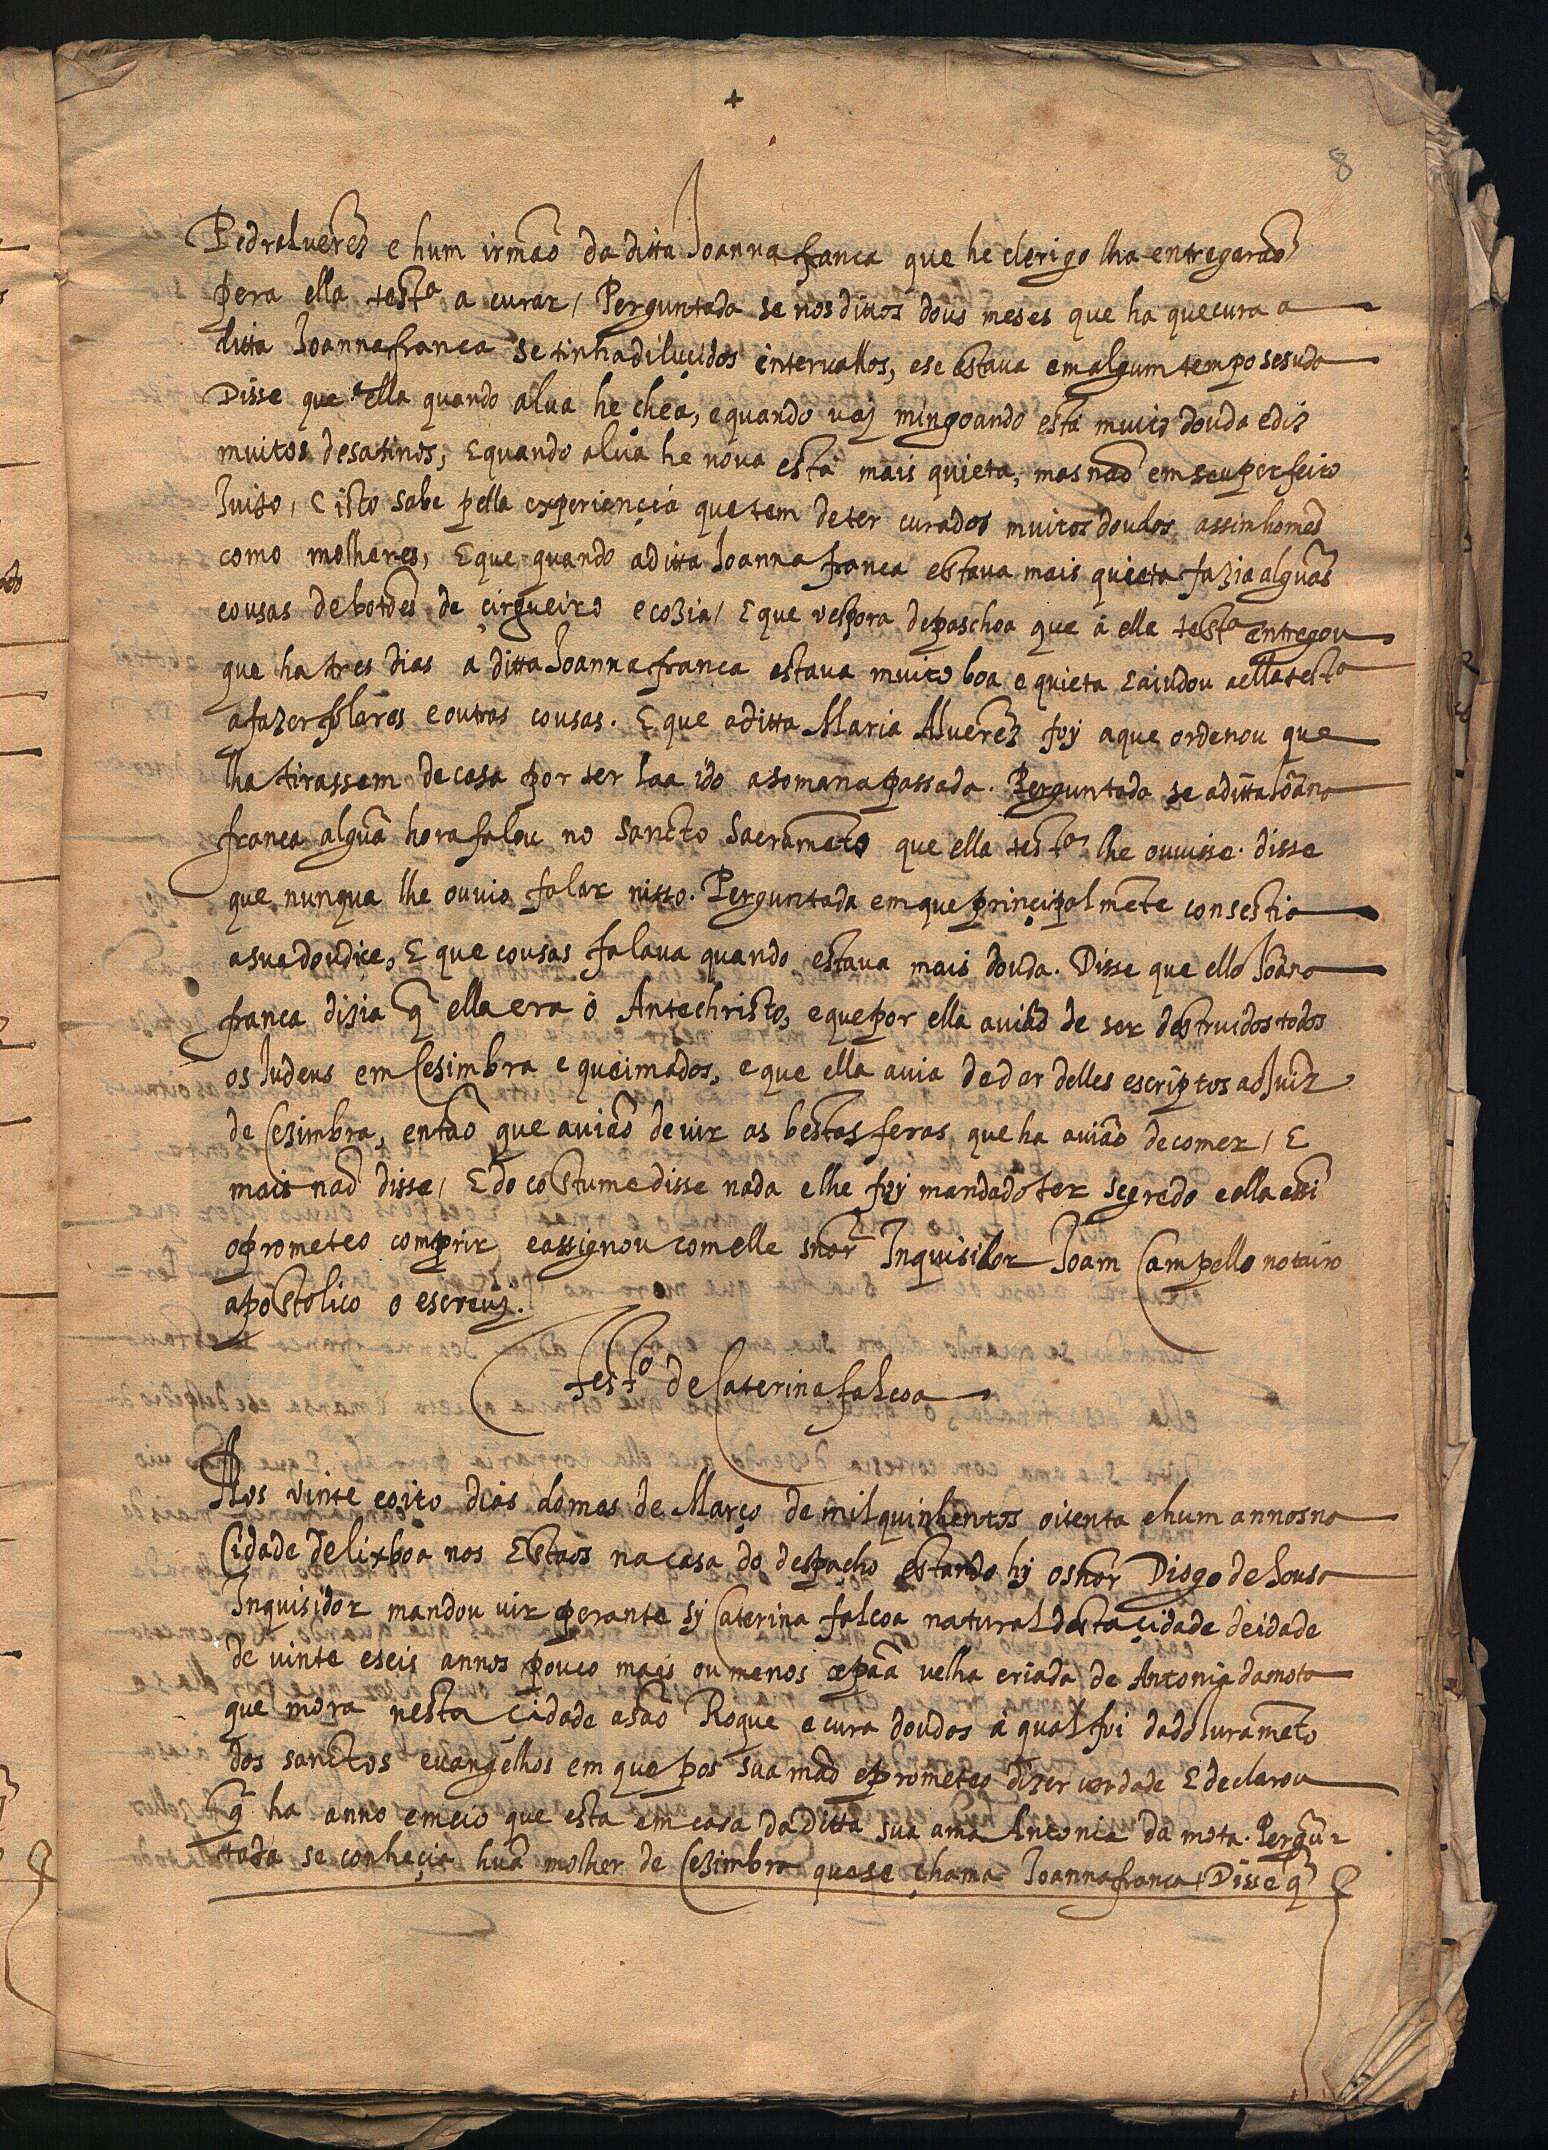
Pedralueres e hum irmão da ditta Ioanna franca que he clerigo lha entregarão
pera ella testa a curar / Perguntada se nos dittos dous meses que ha que cura a
ditta Ioanna franca se tinha dilucidos interuallos, e se estaua em algum tempo sesuda
Disse que ella quando a lua he chea, e quando uaj mingoando está muito douda e diz
muitos desatinos, E quando a lua he noua esta mais quieta, mas não em seu perfeito
Iuizo, e isto sabe pella experiencia que tem de ter curados muitos doudos, assim homēs
como molheres, E que quando a ditta Ioanna franca estaua mais quieta fazia alguās
cousas de botões de cirgueiro e cozia / E que vespora de paschoa que a ella testa entregou
que ha tres dias a ditta Ioanna franca estaua muito boa e quieta E aiudou a ella testa
a fazer folares e outras cousas. E que a ditta Maria Aluerez foy a que ordenou que
lha tirassem de casa por ter laa ido a somana passada. Perguntada se a ditta Ioāna
franca alguā hora falou no Sancto Sacramēto que ella testa lhe ouuisse. disse
que nunqua lhe ouuio falar nisso. Perguntada em que principalmēte consestia
a sua doudice, E que cousas falaua quando estaua mais douda. Disse que ella Ioāna
franca dizia q̄ ella era o Antechristo, e que por ella auião de ser destruidos todos
os Iudeus em Cezimbra e queimados, e que ella auia de dar delles escriptos ao Juiz
de Cezimbra, então que auião de uir as bestas feras, que ha auião de comer / E
mais não disse / E do costume disse nada e lhe foy mandado ter segredo e ella assī
o prometeo comꝓrir e assignou com elle snor̄ Inquisidor Ioam Campello notairo
apostolico o escreuj.
testo de Caterina falcoa
Aos vinte e oito dias do mes de Março de mil quinhentos oitenta e hum annos na
Cidade de lixboa nos Estaos na casa do despacho estando hy o snōr Diogo de Sousa
Inquisidor mandou uir perante sy Caterina falcoa naturaL desta cidade de idade
de uinte e seis annos pouco mais ou menos xpaā uelha criada de Antonia da mota
que mora nesta cidade a são Roque e cura doudos à qual foi dado Iuramēto
dos sanctos euangelhos em que pos sua mão e prometeo dizer uerdade E declarou
q̄ ha anno e meio que esta em casa da ditta sua ama Antonia da mota. Pergū
tada se conhecia huā molher de Cezimbra que se chama Ioanna franca, Disse q̄
